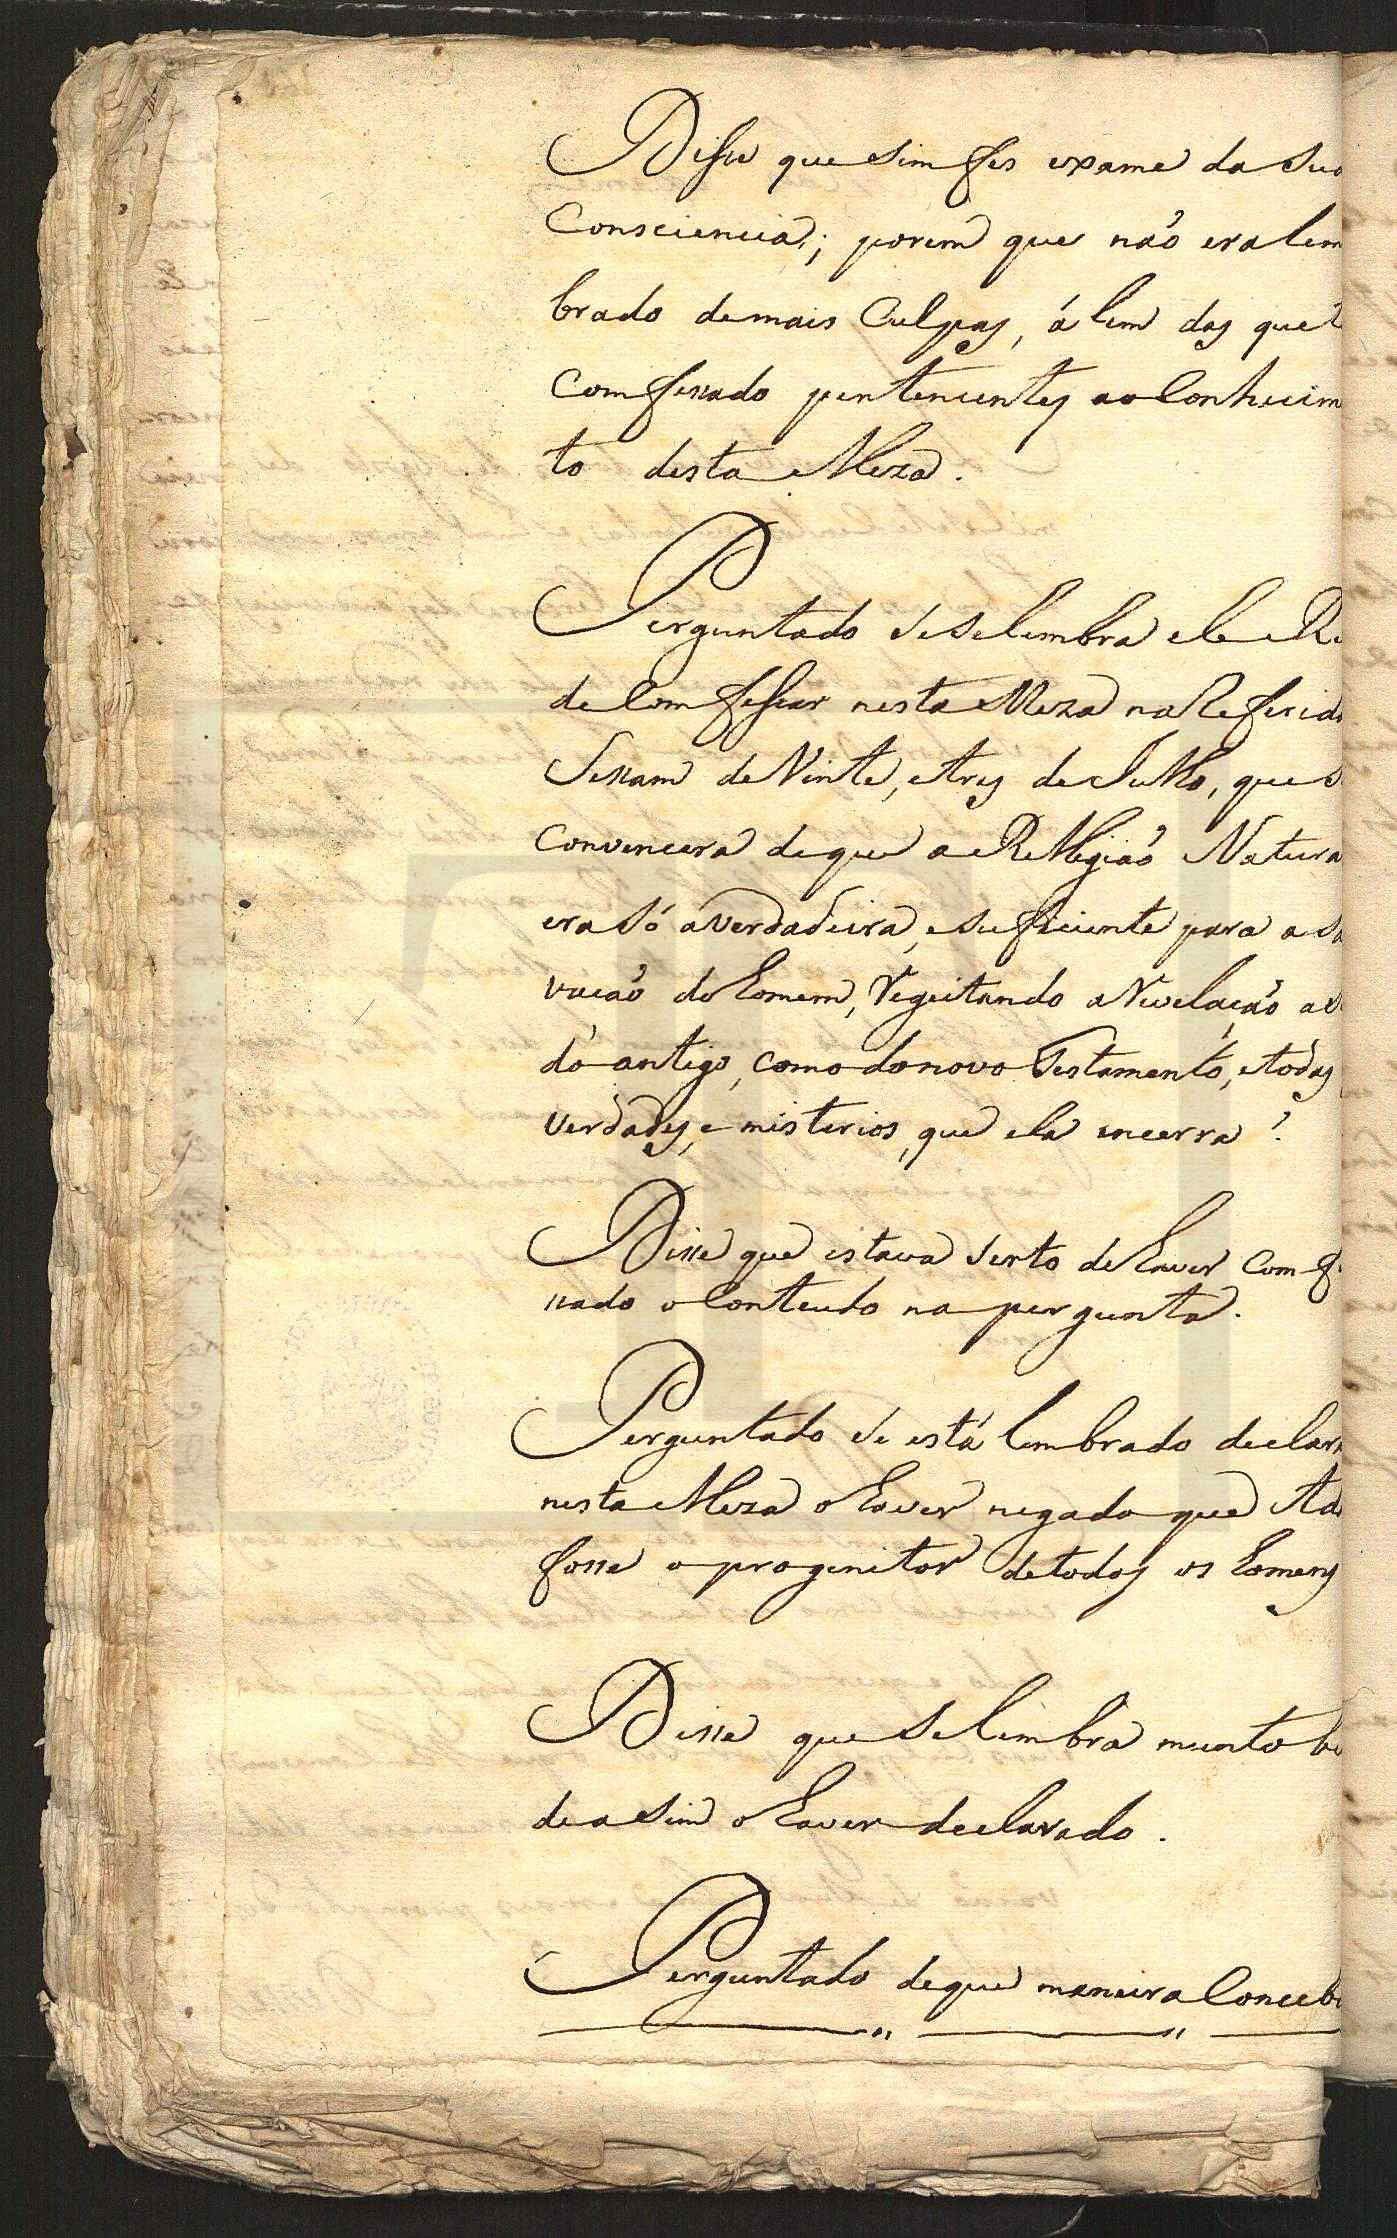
Disse que sim fes exame da Su
Consciencia; porem que naõ era lem
brado de mais Culpas, álem das que
Comfessado pentencentes ao Conhecim
to desta Meza.
Perguntado se se lembra ele Re
de Comfessar nesta Meza na Referid
Sessam de Vinte, e tres de Iulho, que
convencera de que a Relllgiaõ Natura
era Só a verdadeira, e suficiente para a S
vaçaõ do homem, Regeitando a Revelaçaõ as
do antigo, como do novo Testamento, e todas
verdades, e misterios, que ela encerra?
Disse que estava serto de haver Comf
ssado o Conteudo na pergunta.
Perguntado se está lembrado declar
nesta Meza o haver negado que Ad
fosse o progenitor de todos os homens
Disse que Se lembra munto b
de aSim o haver declarado.
Perguntado de que maneira Conceb
